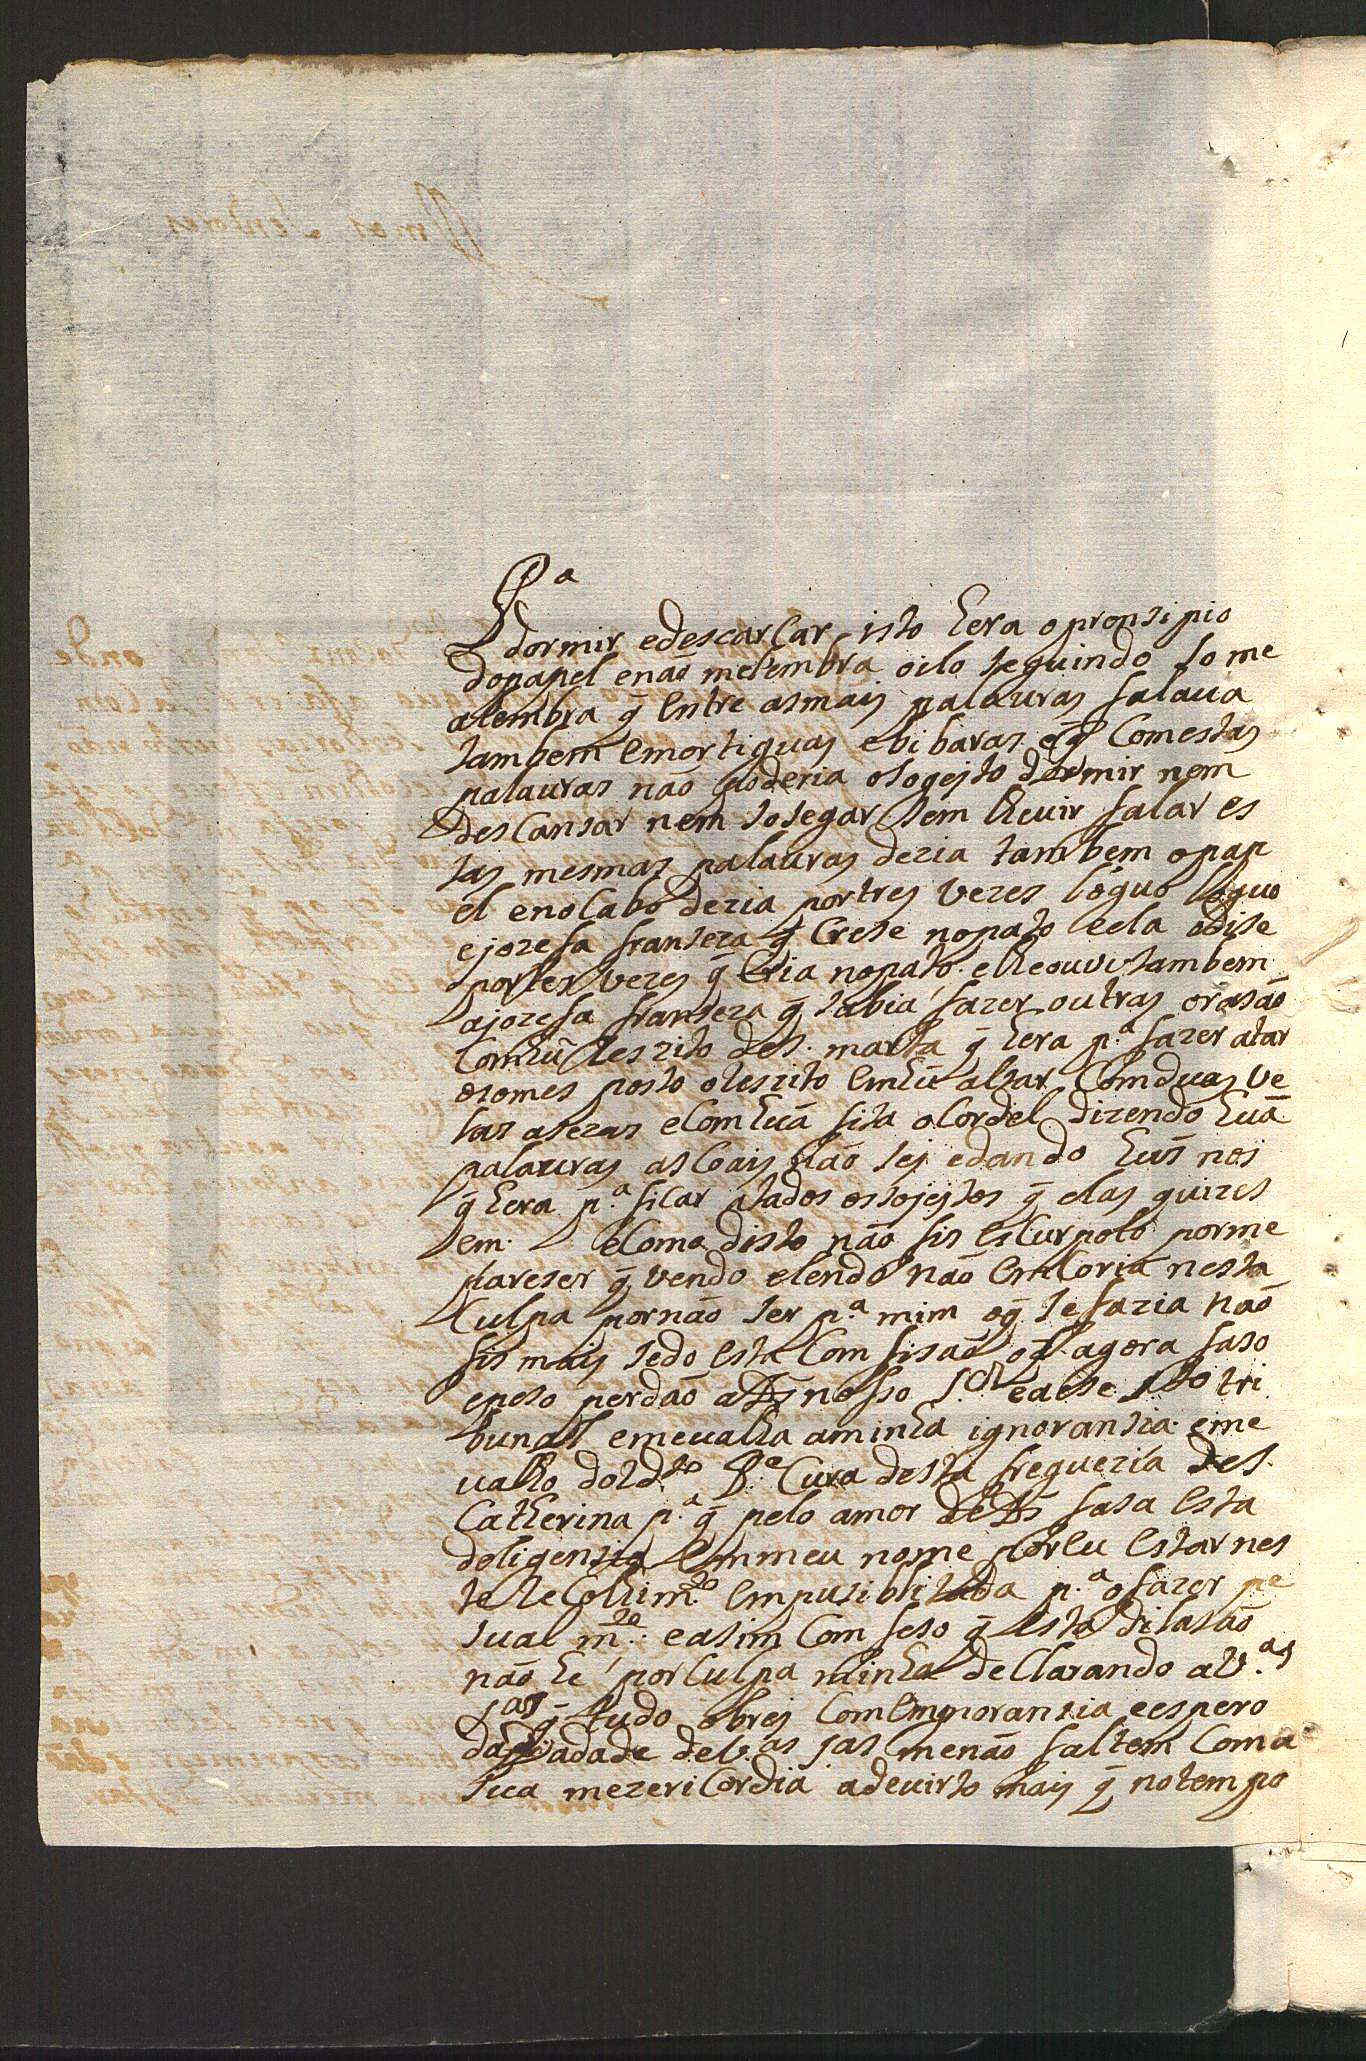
Pa dormir e descarçar isto hera o prensipio
do papel e naõ me lembra o elo seguindo so me
alembra q̄ Entre as mais palauras falaua
tambem e mortiguas e bibaras e q̄ Com estas
palauras naõ poderia o sogejto domir nem
desCansar nem sosegar sem lhe uir falar es
tas mesmas palauras dezia tambem o pap
el e no Cabo dezia por tres vezes loguo loguo
e jozefa franseza q̄ crese no pato e ela o dise
por tes vezes q̄ Cria no pato; e lhe ouve tambem
a jozeja franseza q̄ sabia fazer outras orasão
Com hū Reszito de s. marta q̄ hera p.a fazer atar
os omes posto o Reszito em hū altar Com duas ve
las asezas e Com huā fita o Cordel dizendo huā
palauras as Coais naõ sej e dando hus̄ nos
q̄ hera p.a ficar atados os sojejtos q̄ elas quizes
em. e Como disto naõ fis esCurpolo por me
pareser q̄ vendo e lendo naõ emCorria nesta
Culpa por naõ ser p.a mim o q̄ se fazia naõ
fis mais sedo esta Comfisaõ o q̄ agora faso
e peso perdaõ a Ds̄ nosso S.or e a ese s.to tri
bunal e me ualha a minha ignoransia e me
ualho do Rd.to P.e Cura desta freguezia de s.
Catherina p.a q̄ pelo amor de Ds̄ fasa Esta
deligensia em meu nome por eu estar nes
te Recolhim.to empusblitada p.a o fazer pe
sualm.te e asim Comfeso q̄ esta dilasaõ
naõ he por culpa minha deClarando a V.as
sas q̄ tudo obrej Com emgnoransia e espero
da piadade de V.as s.as me naõ faltem com a
sua mezeriCordia adeuirto mais q̄ no tempo
